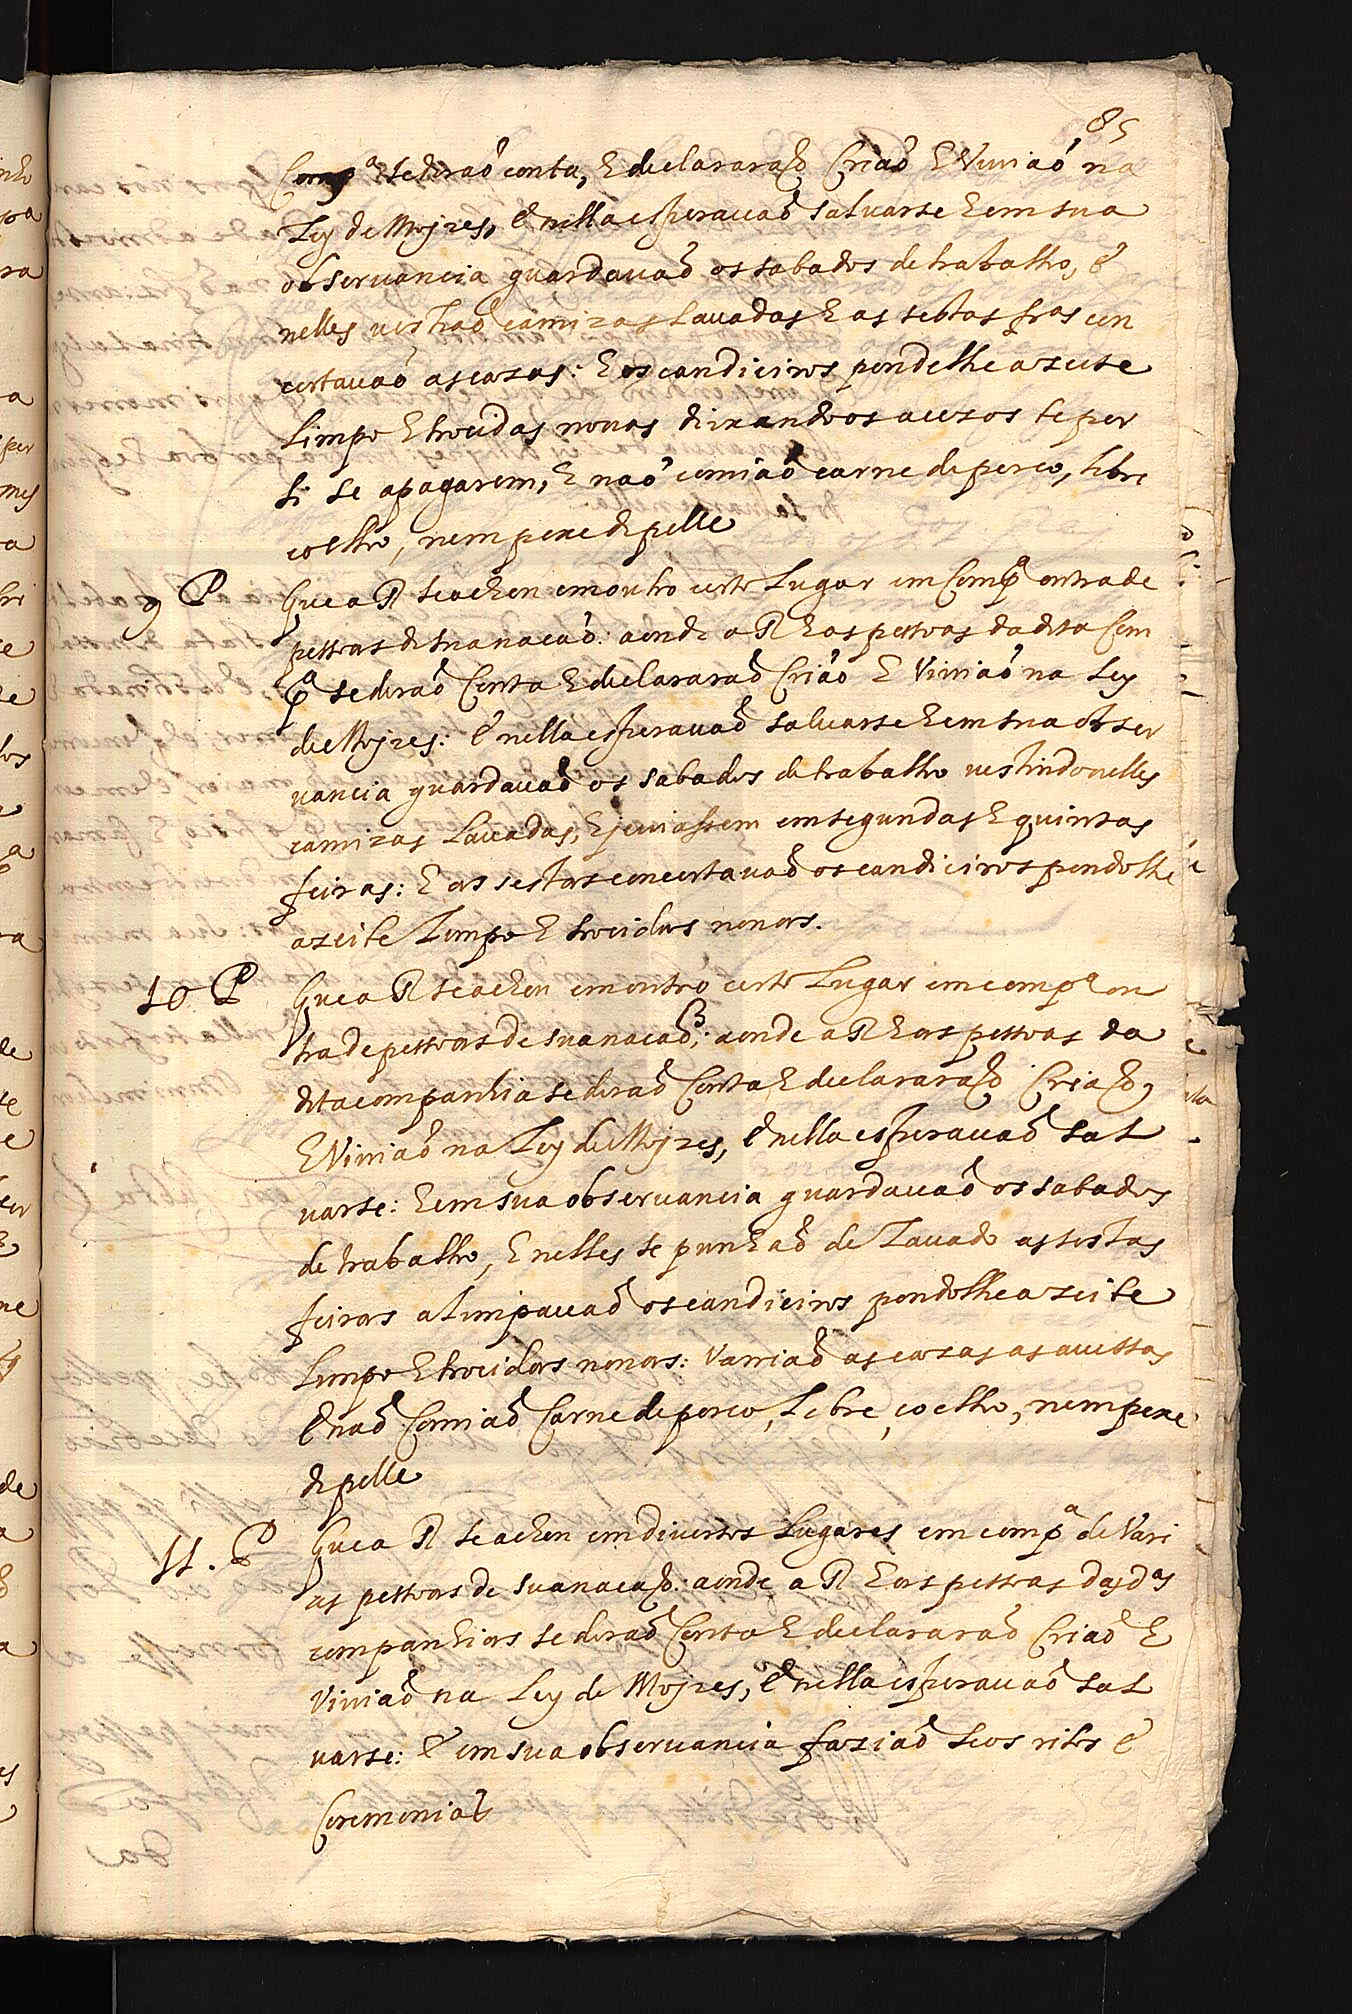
Compa se deraõ conta E declararaõ Criaõ E Viuiaõ na
Ley de Mojzes, & nella esperauaõ saluarse E em sua
obseruancia guardauaõ os sabados de trabalho, &
nelles uestiaõ camizas Lauadas E as sestas fras con
certauaõ as cazas : E os candieiros pondo-lhe azeite
Limpo E trocidas nouas deixandoos acezos te per
si se apagarem, E naõ comiaõ carne de porco, lebre
coelho, nem pexe de pelle
9 P Que a R se achou em outro certo Lugar em Compa outra de
pessoas de sua nacaõ : aonde a R E as pessoas da dita Com
pa se deraõ Conta E declararaõ Criaõ E Viuiaõ na Ley
de Mojzes: & nella esperauaõ saluarse E em sua obser
uancia guardauaõ os sabados de trabalho uestindo nelles
camizas Lauadas, E jeiuassem em segundas E quintas
feiras: E as sestas concertauaõ os candieiros pondolhe
azeite Limpo E trocidas nouas.
10 P Que a R se achou em outro certo Lugar em compa ou
tra de pessoas de sua nacaõ; aonde a R E as pessoas da
dita companhia se deraõ Conta E declararaõ Criaõ
E Viuiaõ na Ley de Mojzes, & nella esperauaõ sal
uarse: E em sua obseruancia guardauaõ os sabados
de trabalho, e nelles se punhaõ de Lauado as sestas
feiras aLimpauaõ os candieiros pondolhe azeite
Limpo E trocidas nouas: Varriaõ as cazas as auessas
& naõ Comiaõ Carne de porco, Lebre, coelho, nem pexe
de pelle
11. P Que a R se achou em diuersos Lugares em compa de Vari
as pessoas de sua nacaõ: aonde a R E as pessoas das das
companhias se deraõ Conta E declararaõ Criaõ E
Viuiaõ na Ley de Mojzes, & nella esperauaõ sal
uarse: & em sua obseruancia faziaõ seos ritos &
Ceremonias
